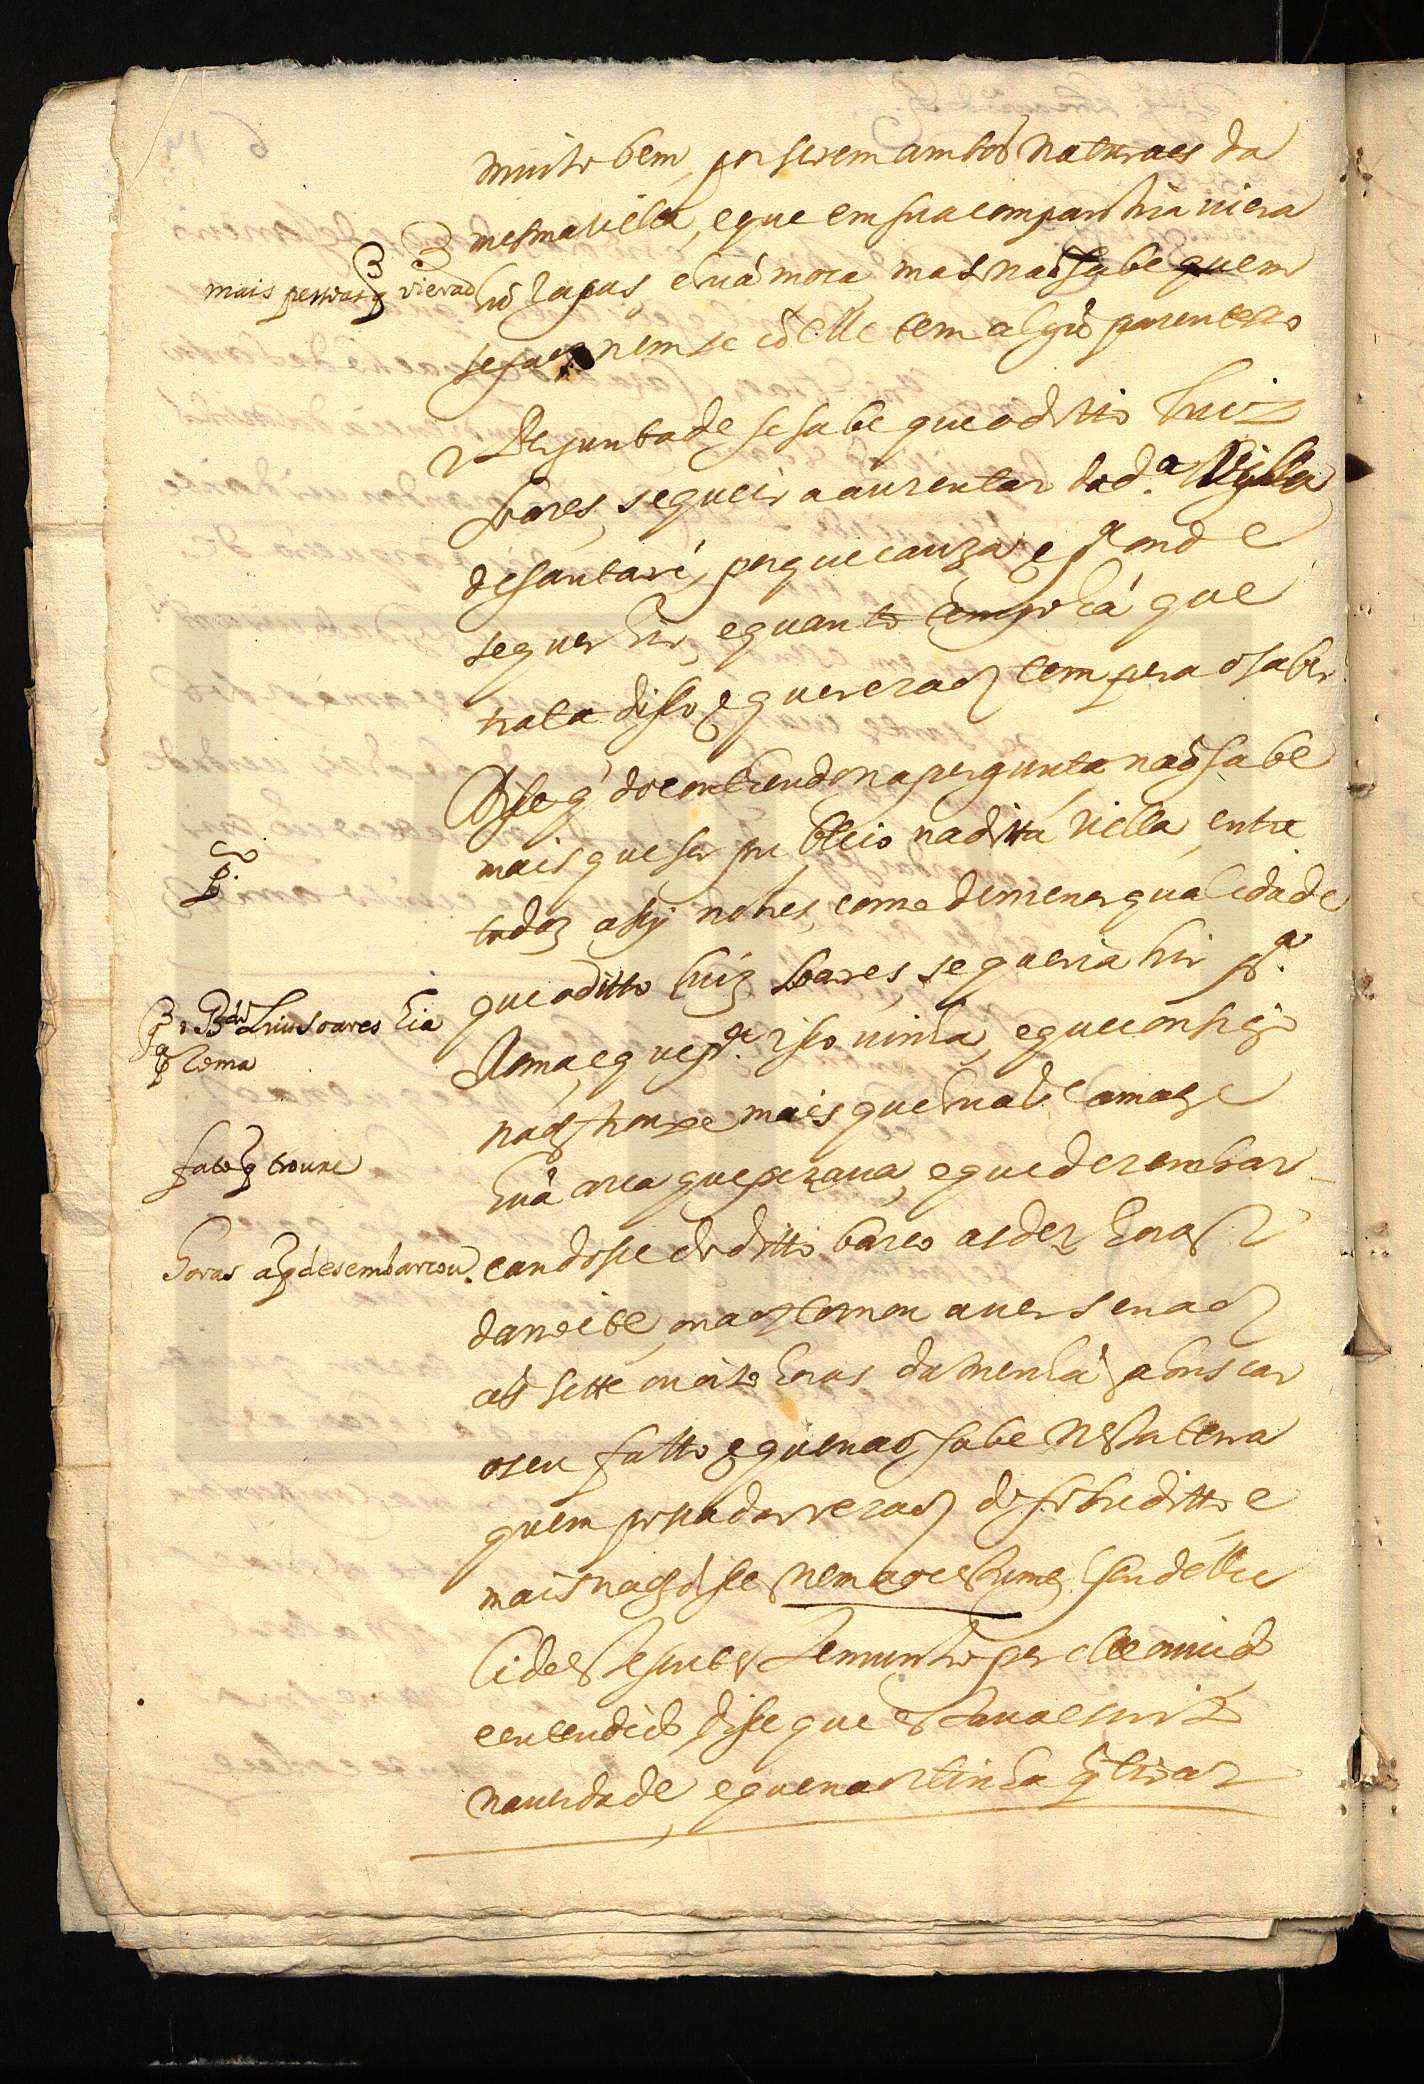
mais pessoas q̄ vieraõ
p.co
q̄ o Bdo Luis Soares hia
p̄a Roma
fato q̄ trouxe
horas a q̄ desembarcou
muito bem, por serem ambos naturaes da
mesma uila, e que em sua companhia uiera
hū rapas, e huā moça mas naõ sabe quem
seja _ nem se cō elle tem algū parentesco
Perguntado se sabe que o ditto luiz
soares, se queira auzentar da d.a Villa
de santarē, porque cauza e pa onde
se quer hir, e quanto tempo há que
trata disso e que rezaõ tem pera o saber
Disse q̄ do contheudo na pergunta naõ sabe
mais que ser publico na ditta uilla, entre
todoz assy nobres, como de menos qualidade
que o ditto luiz soares, se queria hir p.a
Roma, e que pa isso uinha, e que consigo
naõ trouxe mais que huas̄ camas e
huā arca que pezaua, e que dezembar
candosse do ditto barco as dez horas
da noite, o naõ tornou a uer senaõ
as sette ou oito horas da menhã a buscar
o seu fatto e que naõ sabe nesta terra
quem possa dar rezaõ do sobreditto, e
mais naõ disse nem ao costume E sendolhe
lido este seu testemunho por elle ouuido
e entendido, disse que estaua escrito
na uerdade, e que naõ tinha q̄ tirar
